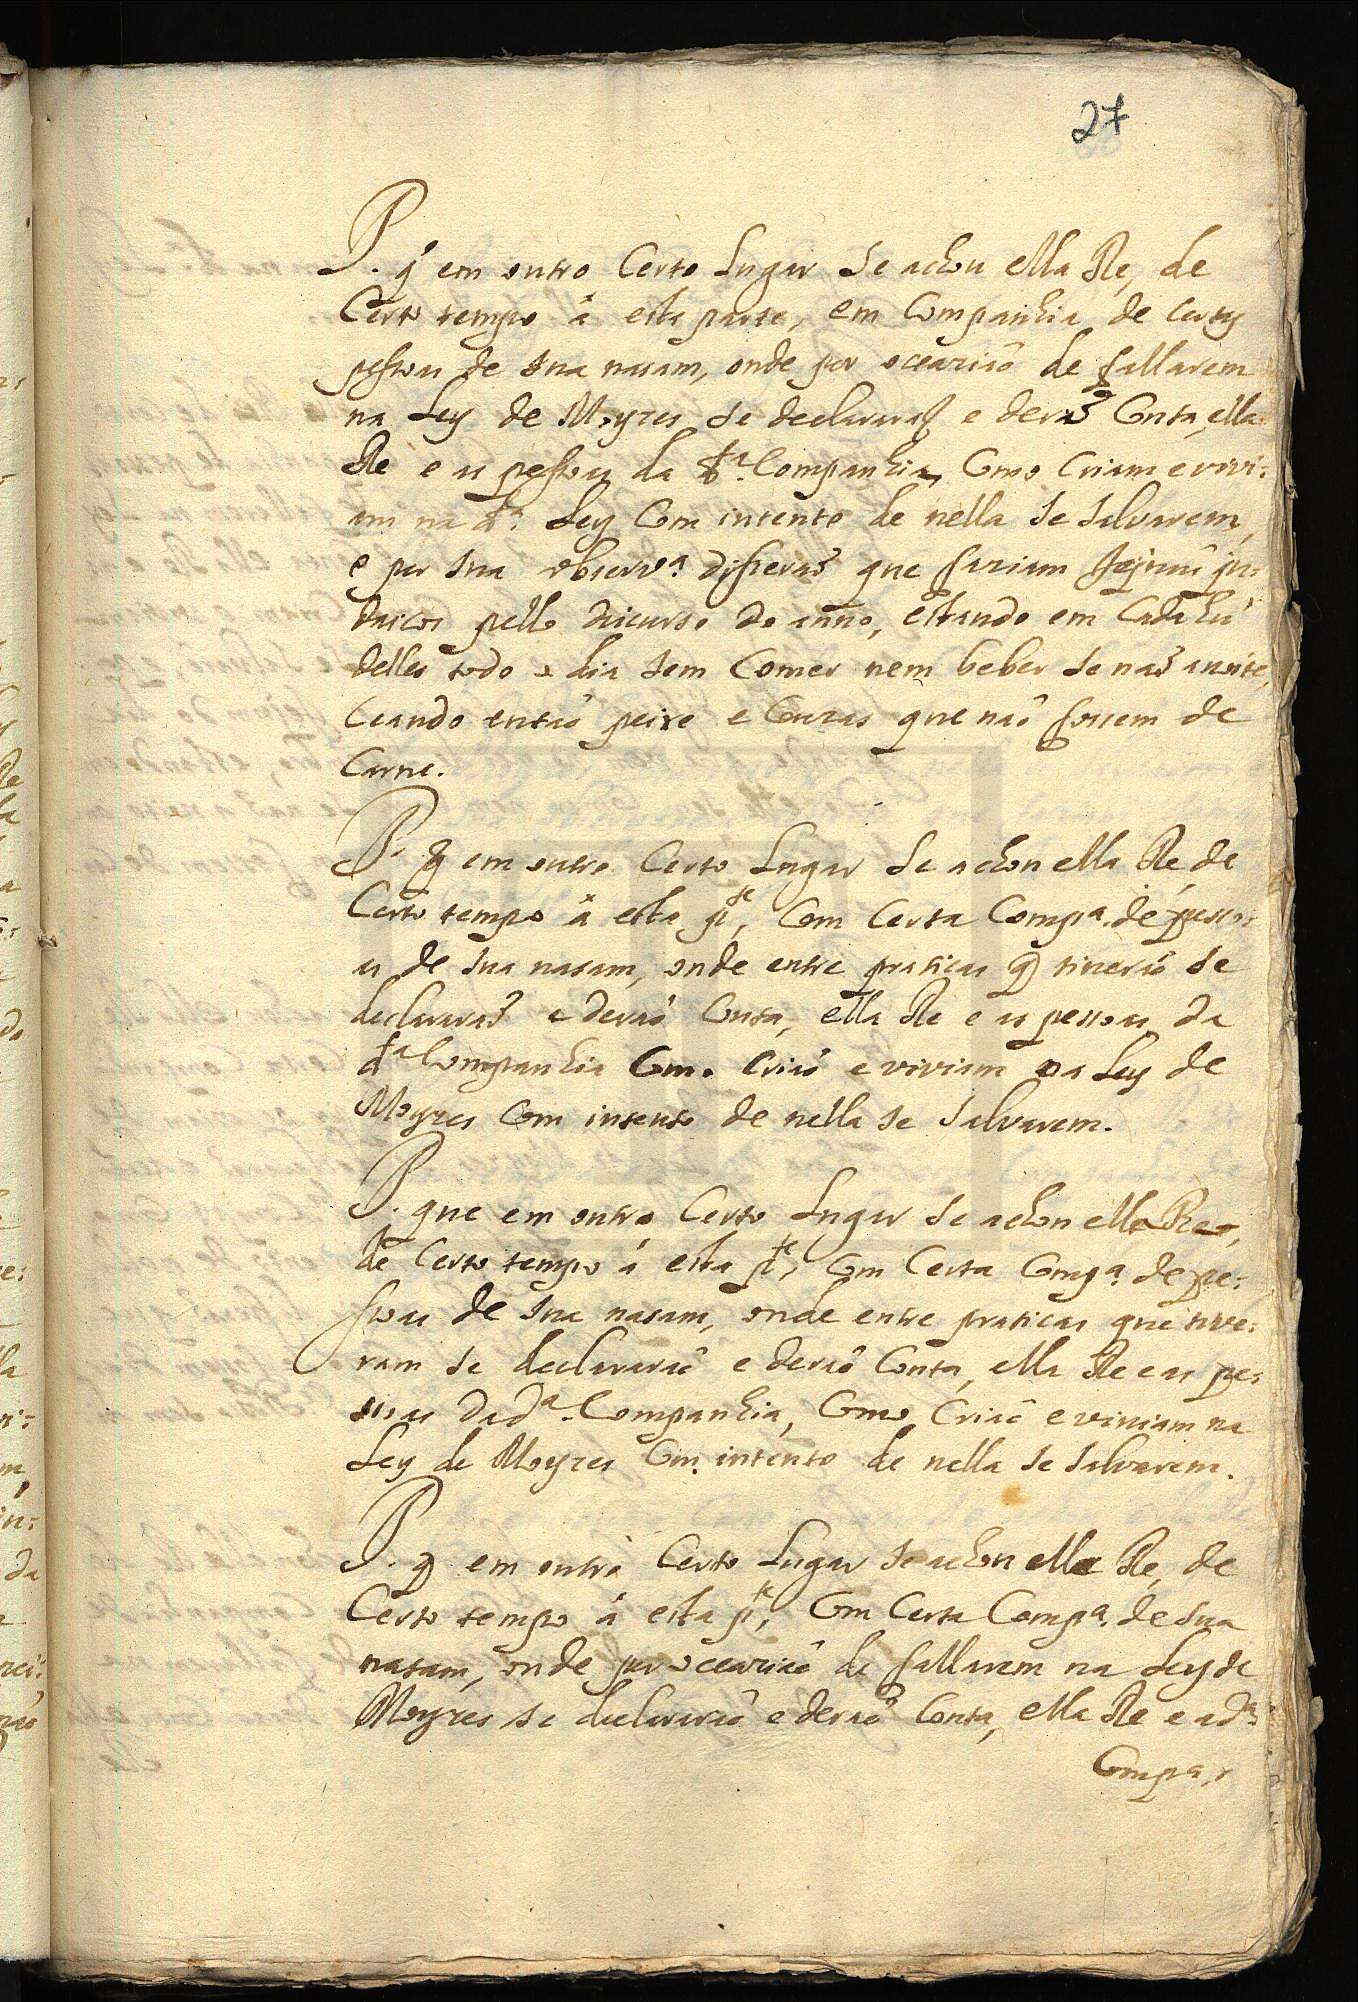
P. q̄ em outro Certo Lugar Se achou ella Re, de
Certo tempo â esta parte, em Companhia de certas
pessoas de sua nasam, onde por occaziaõ de fallarem
na Ley de Moyzes se declararaõ e deraõ Conta, ella
Re e as pessoas da d̄.a Companhia, Como Criam e vivi
am na d̄a. Ley Com intento de nella se salvarem,
e por sua observa. disseraõ que faziam Jejuns̄ ju
daicos pello discurso do anno, estando em cada hū
delles todo o dia sem Comer nem beber senaõ a noite,
Ceando então peixe e Couzas que naõ fossem de
Carne.
P. q̄ em outro Certo Lugar Se achou ella Re de
Certo tempo â esta pte, Com Certa Compa. de pesso
as de sua nasam, onde entre praticas q̄ tiuerão se
declararaõ e deraõ Conta, ella Re e as pessoas da
d̄a Companhia Como Criaõ e viviam na Ley de
Moyzes Com intento de nella se Salvarem.
P. que em outro Certo Lugar Se achou ella Re
de Certo tempo á esta pte, com Certa Compa. de pe
ssoas de sua nasam, onde entre praticas que tive
ram se declararaõ e deraõ Conta, ella Re e as pe
ssoas da da. Companhia, Como Criaõ e viviam na
Ley de Moyzes Com intento de nella se Salvarem.
P. q̄ em outro Certo Lugar se achou ella Re, de
Certo tempo á esta pte, Com Certa Compa. de sua
nasam, onde por occaziaõ de fallarem na Ley de
Moyzes se declararaõ e deraõ Conta, ella Re e a da.
Compa.
